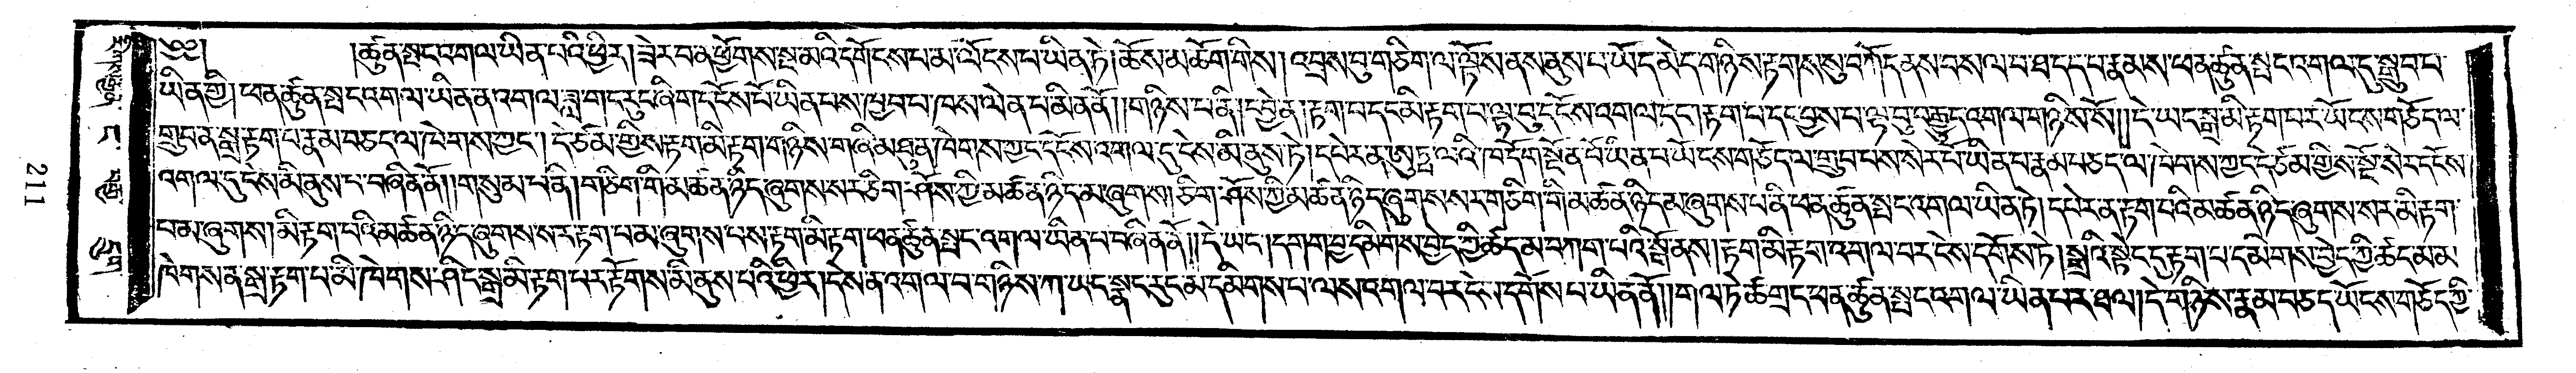༄༅། །ཚུན་སྤང་འགལ་ཡིན་པའི་ཕྱིར། ཟེར་བ་ནི་ཕྱོགས་སྔ་མའི་དགོངས་པ་མ་ལོངས་པ་ཡིན་ཏེ། ཆོས་མཆོག་གིས། འབྲས་བུ་གཅིག་ལ་ལྟོས་ནས་ནུས་པ་ཡོད་མེད་གཉིས་རྟགས་སུ་བཀོད་ནས་བསལ་བ་ཐ་དད་པ་རྣམས་ཕན་ཚུན་སྤང་འགལ་དུ་སྒྲུབ་པ་
ཡིན་གྱི། ཕན་ཚུན་སྤང་འགལ་ཡིན་ན་འགལ་ཟླ་གང་རུང་ཞིག་དངོས་པོ་ཡིན་པས་ཁྱབ་པ་ཁས་ལེན་པ་མིན་ནོ། །གཉིས་པ་ནི། དབྱེ་ན། རྟག་པ་དང་མི་རྟག་པ་ལྟ་བུ་དངོས་འགལ་དང་། རྟག་པ་དང་བྱས་པ་ལྟ་བུ་བརྒྱུད་འགལ་གཉིས་སོ། །དེ་ཡང་སྒྲ་མི་རྟག་པར་ཡོངས་གཅོད་ལ་
གྲུབ་ན་སྒྲ་རྟག་པ་རྣམ་བཅད་ལ་ཁེགས་ཀྱང་། དེ་ཙམ་གྱིས་རྟག་མི་རྟག་གཉིས་གཞི་མཐུན་ཁེགས་ཀྱང་དངོས་འགལ་དུ་ངེས་མི་ནུས་ཏེ། དཔེར་ན་ཨུཏྤ་ལའི་ཁ་དོག་སྔོན་པོ་ཡིན་པ་ཡོངས་གཅོད་ལ་གྲུབ་པས་སེར་པོ་ཡིན་པ་རྣམ་བཅད་ལ་ཁེགས་ཀྱང་དེ་ཙམ་གྱིས་སྔོ་སེར་དངོས་
འགལ་དུ་ངེས་མི་ནུས་པ་བཞིན་ནོ། །གསུམ་པ་ནི། གཅིག་གི་མཚན་ཉིད་ཞུགས་སར་ཅིག་ཤོས་ཀྱི་མཚན་ཉིད་མ་ཞུགས། ཅིག་ཤོས་ཀྱི་མཚན་ཉིད་ཞུགས་སར་གཅིག་གི་མཚན་ཉིད་མ་ཞུགས་པ་ནི་ཕན་ཚུན་སྤང་འགལ་ཡིན་ཏེ། དཔེར་ན་རྟག་པའི་མཚན་ཉིད་ཞུགས་སར་མི་རྟག་
པ་མ་ཞུགས། མི་རྟག་པའི་མཚན་ཉིད་ཞུགས་སར་རྟག་པ་མ་ཞུགས་པས་རྟག་མི་རྟག་ཕན་ཚུན་སྤང་འགལ་ཡིན་པ་བཞིན་ནོ། །དེ་ཡང་། དགག་བྱ་དམིགས་བྱེད་ཀྱི་ཚད་མ་བཀག་པའི་སྒོ་ནས། རྟག་མི་རྟག་འགལ་བར་ངེས་དགོས་ཏེ། སྒྲའི་སྟེང་དུ་རྟག་པ་དམིགས་བྱེད་ཀྱི་ཚད་མ་མ་
ཁེགས་ན་སྒྲ་རྟག་པ་མི་ཁེགས་ཤིང་སྒྲ་མི་རྟག་པར་རྟོགས་མི་ནུས་པའི་ཕྱིར། དེས་ན་འགལ་བ་གཉིས་ཀ་ཡང་སྣང་རུང་མ་དམིགས་པ་ལས་འགལ་བར་ངེས་དགོས་པ་ཡིན་ནོ། །གལ་ཏེ་ཆ་གྲང་ཕན་ཚུན་སྤང་འགལ་ཡིན་པར་ཐལ། དེ་གཉིས་རྣམ་བཅད་ཡོངས་གཅོད་ཀྱི་